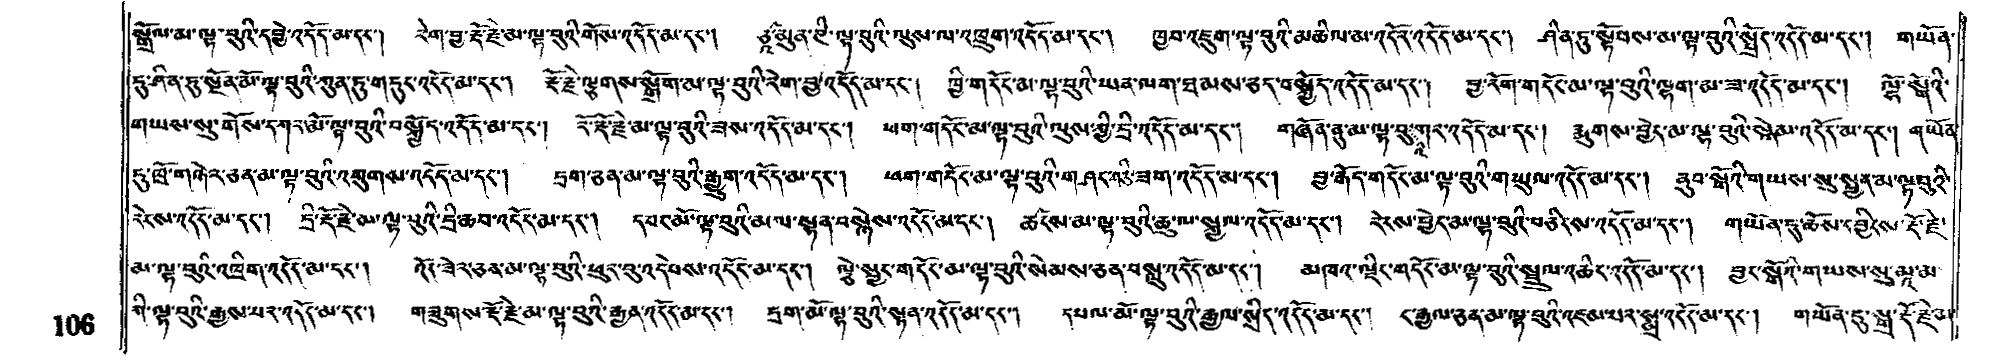སྒྲོལ་མ་ལྟ་བུའི་དབྱེ་འདོད་མ་དང་། རེག་བྱ་རྡོ་རྗེ་མ་ལྟ་བུའི་གོས་འདོད་མ་དང་། ཙཱ་མུན་ཊི་ལྟ་བུའི་ལུས་ལ་འཁྲུག་འདོད་མ་དང་། ཁྱབ་འཇུག་ལྟ་བུའི་མཆིལ་མ་འདོར་འདོད་མ་དང་། ཤིན་ཏུ་སྟོབས་མ་ལྟ་བུའི་སྤྲོད་འདོད་མ་དང་། གཡོན་
དུ་ཤིན་ཏུ་སྔོན་མོ་ལྟ་བུའི་ཀུན་ཏུ་གདུང་འདོད་མ་དང་། རྡོ་རྗེ་ལྕགས་སྒྲོག་མ་ལྟ་བུའི་རེག་བྱ་འདོད་མ་དང་། ཁྱི་གདོང་མ་ལྟ་བུའི་ཡན་ལག་ཐམས་ཅད་བསྐྱོད་འདོད་མ་དང་། བྱ་རོག་གདོང་མ་ལྟ་བུའི་ལྷག་མ་ཟ་འདོད་མ་དང་། ལྷོ་སྒོའི་
གཡས་སུ་གོས་དཀར་མོ་ལྟ་བུའི་བསྐྱོད་འདོད་མ་དང་། རོ་རྡོ་རྗེ་མ་ལྟ་བུའི་ཟས་འདོད་མ་དང་། ཕག་གདོང་མ་ལྟ་བུའི་ལུས་ཀྱི་དྲི་འདོད་མ་དང་། གཞོན་ནུ་མ་ལྟ་བུའི?་གར་འདོད་མ་དང་། རྨུགས་བྱེད་མ་ལྟ་བུའི་སྐེམ་འདོད་མ་དང་། གཡོན་
དུ་ཁྲོ་གཉེར་ཅན་མ་ལྟ་བུའི་འགུགས་འདོད་མ་དང་། དྲག་ཅན་མ་ལྟ་བུའི་རྒྱུག་འདོད་མ་དང་། ཕག་གདོང་མ་ལྟ་བུའི་གཤད་གཅི་ཟག་འདོད་མ་དང་། བྱ་རྒོད་གདོང་མ་ལྟ་བུའི་གཡུལ་འདོད་མ་དང་། ནུབ་སྒོའི་གཡས་སུ་སྤྱན་མ་ལྟ་བུའི་
རེངས་འདོད་མ་དང་། དྲི་རྡོ་རྗེ་མ་ལྟ་བུའི་དྲི་ཆབ་འདོད་མ་དང་། དབང་མོ་ལྟ་བུའི་མལ་སྟན་བསྙེས་འདོད་མ་དང་། ཚངས་མ་ལྟ་བུའི་ཆུ་ལ་སྐྱལ་འདོད་མ་དང་། རེངས་བྱེད་མ་ལྟ་བུའི་བཅིངས་འདོད་མ་དང་། གཡོན་དུ་ཆོས་དབྱིངས་རྡོ་རྗེ་
མ་ལྟ་བུའི་འཁྲིག་འདོད་མ་དང་། འོད་ཟེར་ཅན་མ་ལྟ་བུའི་ཕུར་བུ་འདེབས་འདོད་མ་དང་། ལྕེ་སྤྱང་གདོང་མ་ལྟ་བུའི་སེམས་ཅན་བསླུ་འདོད་མ་དང་། མཁའ་ལྡིང་གདོང་མ་ལྟ་བུའི་སྦྲུལ་འཆིང་འདོད་མ་དང་། བྱང་སྒོའི་གཡས་སུ་མཱ་མ་
ཀི་ལྟ་བུའི་རྒྱས་པར་འདོད་མ་དང་། གཟུགས་རྡོ་རྗེ་མ་ལྟ་བུའི་རྒྱན་འདོད་མ་དང་། དྲག་མོ་ལྟ་བུའི་སྟན་འདོད་མ་དང་། དཔལ་མོ་ལྟ་བུའི་རྒྱལ་སྲིད་འདོད་མ་དང་། ང་རྒྱལ་ཅན་མ་ལྟ་བུའི་འཇམ་པར་སྨྲ་འདོད་མ་དང་། གཡོན་དུ་སྒྲ་རྡོ་རྗེ་མ་